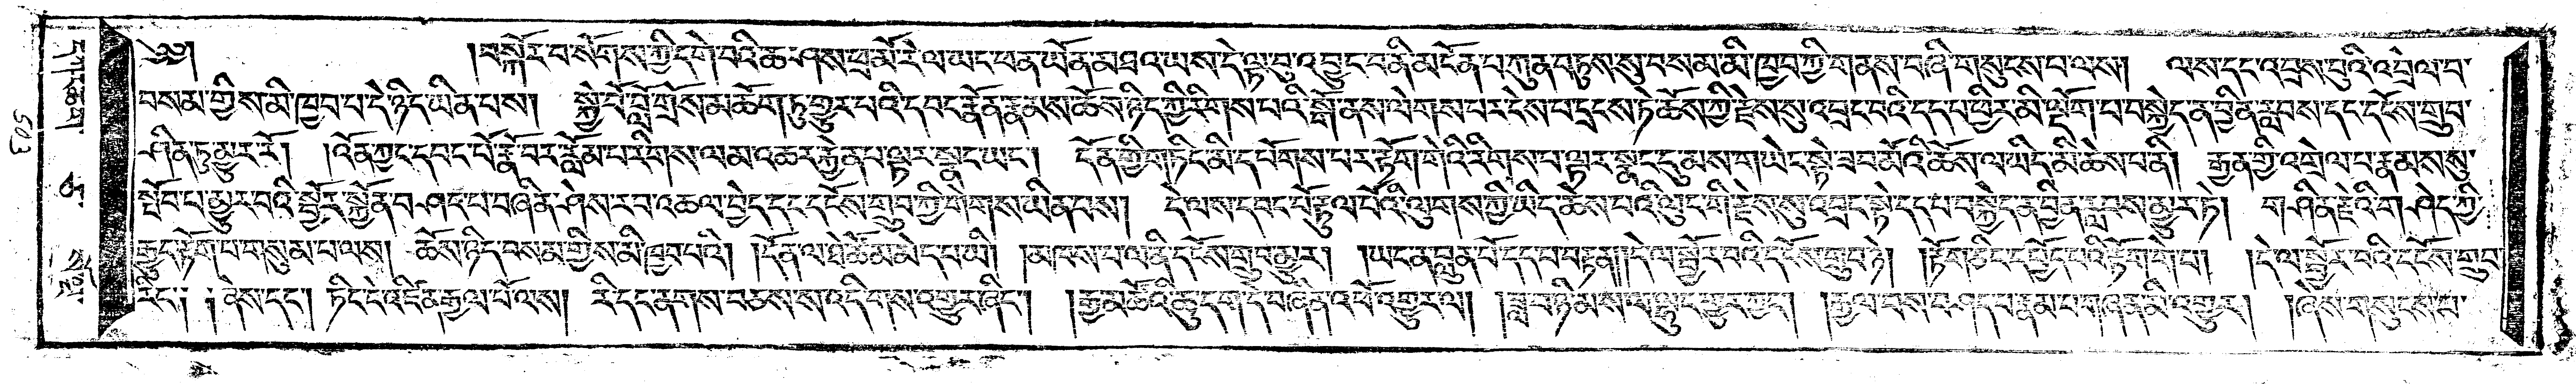༄༅། །བསྐོར་བ་སོགས་ཀྱི་དགེ་བའི་ཆ་ཤས་ཕྲ་མོ་རེ་ལ་ཡང་ཕན་ཡོན་མཐའ་ཡས་དེ་ལྟ་བུ་འབྱུང་བ་ནི་མངོན་ཕ་ཀུན་བཏུས་སུ་བསམ་མི་ཁྱབ་ཀྱི་གནས་བཞི་གསུངས་བ་ལས། ལས་དང་འབྲས་བུའི་འབྲེལ་པ་
བསམ་གྱིས་མི་ཁྱབ་པ་དེ་ཉིད་ཡིན་བས། སྐྱེ་བོ་བློ་གྲོས་མཆོག་ཏུ་གྱུར་པའི་དབང་རྣོན་རྣམས་ཆོས་ཉིད་ཀྱི་རིགས་པའི་སྒོ་ནས་ལེགས་པར་ངེས་པ་དྲངས་ཏེ་ཆོས་ཀྱི་རྗེས་སུ་འབྲང་བའི་དད་པ་ཕྱིར་མི་ལྡོག་བ་བསྐྱེད་ན་བྱིན་རླབས་དང་དངོས་གྲུབ་
ཤིན་ཏུ་མྱུར་རོ། །འོན་ཀྱང་དབང་བོ་རྣོ་བར་རློམ་པ་རིགས་ལམ་འཆར་རྐྱེན་པ་ལྟར་སྣང་ཡང་། དོན་གྱི་གཏིང་མེ་དཔོགས་པར་རྟོག་གེའི་རིགས་པ་ལྟར་སྣང་དུ་མས་གཡེང་སྟེ་ཟབ་མོའི་ཆོས་ལ་ཡིད་མི་ཆེས་པ་ནི། རྒྱན་གྱི་འགྲེལ་བ་རྣམས་སུ་
སྤོབ་པ་མྱུར་བའི་སྦྱོར་སྐྱོན་བཤད་པ་བཞིན་ཤེས་རབ་འཆལ་བྱེད་དང་དངོས་གྲུབ་ཀྱི་གེགས་ཡིན་པས། དེ་ལས་དབང་པོ་རྟུལ་པོའི་ལུགས་ཀྱི་ཡིད་ཆེས་པའི་ལུང་གི་རྗེས་སུ་འབྲང་སྟེ་དད་པ་བསྐྱེད་ན་བྱིན་རླབས་མྱུར་ཏེ། གཤིན་རྗེའི་གཤེད་ཀྱི་
རྒྱུད་རྟོག་བ་གསུམ་པ་ལས། ཆོས་ཉིད་བསམ་གྱིས་མི་ཁྱབ་བའི། །དོན་ལ་ཐེ་ཚོམ་མེད་པ་ཡི། །མཁས་པ་ལ་ནི་དངོས་གྲུབ་མྱུར། །ཡང་ན་བླུན་པོ་དད་བ་བརྟན། །དེ་ལ་སྦྱོར་བའི་དངོས་གྲུབ་ཉེ། །རྟོག་ཅིང་དཔྱོད་པའི་རྟོག་གེ་བ། །དེ་ལ་སྦྱོར་བའི་དངོས་གྲུབ་
རིང༑ ༑ཞེས་དང་། ཏིང་ངེ་འཛིན་རྒྱལ་པོ་ལས། རི་དང་ནགས་བཅས་ས་འདི་གས་འགྱུར་ཞིང་། །རྒྱ་མཚོའི་ཆུ་དག་དེ་བཞིན་འཕོ་འགྱུར་ལ། །ཟླ་བ་ཉི་མ་ས་ལ་ལྷུང་གྱུར་ཀྱང་། །རྒྱལ་བས་བཤད་པ་རྣམ་པ་གཞན་མི་འགྱུར། །ཞེས་གསུངས་བ་